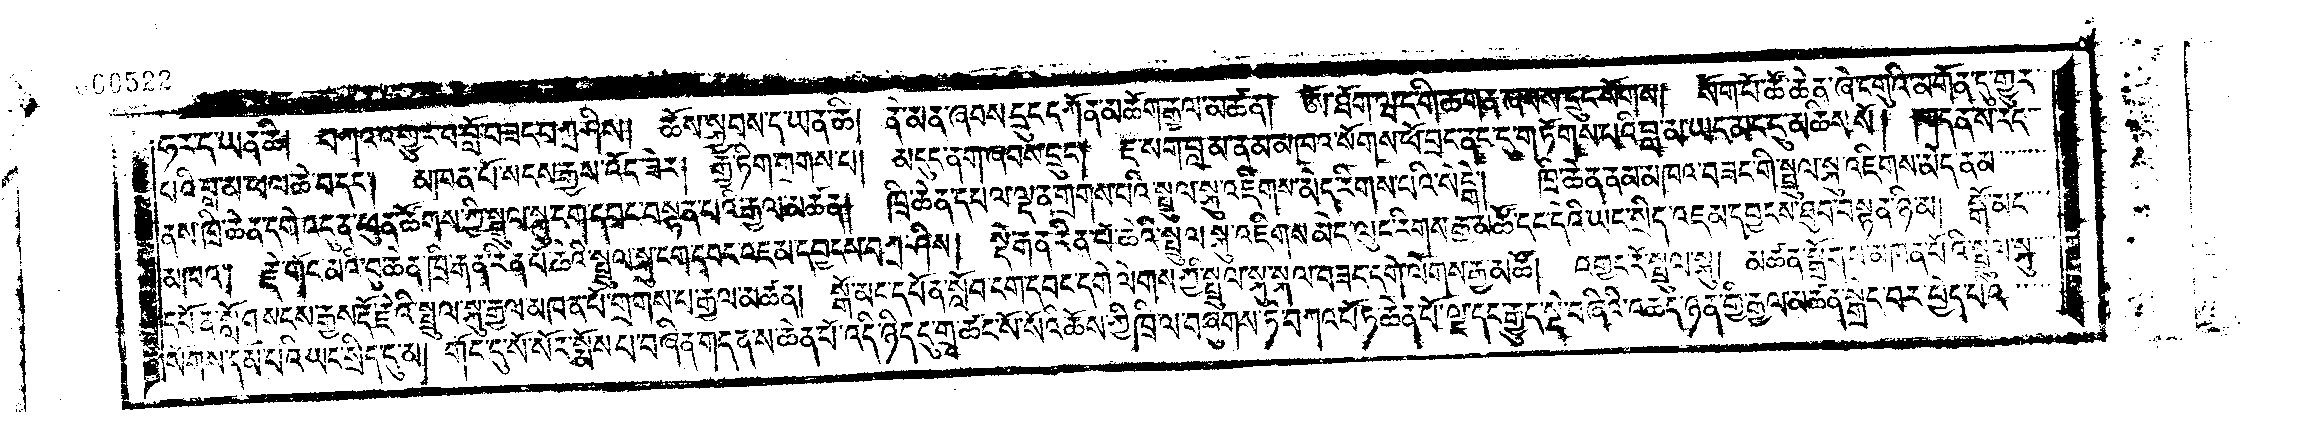ཧར་ང་ཡན་ཆི། བཀའ་འགྱུར་བ་བློ་བཟང་བཀྲ་ཤིས། ཆོས་སྐྱབས་ད་ཡན་ཆི། ནེ་མན་ཞབས་དྲུང་དཀོན་མཆོག་རྒྱལ་མཚན། ཨོ་ཐོག་ཝང་གི་ཆ་གན་ཞབས་དྲུང་སོགས། སོག་པོ་ཚེ་ཆེན་ཞེ་དགུའི་མགོན་དུ་གྱུར་
པའི་བླ་མ་ཕལ་ཆེ་བ་དང་། མཁན་པོ་སངས་རྒྱས་འོད་ཟེར། རྒྱ་ཏིག་གྲགས་པ། མདུང་ནག་ཞབས་དྲུང་། ཇ་སག་བླ་མ་ནམ་མཁའ་སོགས་ཕོ་བྲང་ནང་དུ་གཏོགས་པའི་བླ་མ་ཡང་མང་དུ་མཆིས་སོ། །གདན་ས་རང་
ནས་ཁྲི་ཆེན་དགེ་འདུན་ཕུན་ཚོགས་ཀྱི་སྤྲུལ་སྐུ་ངག་དབང་བསྟན་པའི་རྒྱལ་མཚན། ཁྲི་ཆེན་དཔལ་ལྡན་གྲགས་པའི་སྤྲུལ་སྐུ་འཇིགས་མེད་རིགས་པའི་སེངྒེ། ཁྲི་ཆེན་ནམ་མཁའ་བཟང་གི་སྤྲུལ་སྐུ་འཇིགས་མེད་ནམ་
མཁའ། རྗེ་གོང་མའི་བུ་ཆེན་ཁྲི་རྒན་རིན་པོ་ཆེའི་སྤྲུལ་སྐུ་ངག་དབང་འཇམ་དབྱངས་བཀྲ་ཤིས། སྡེ་རྒན་རིན་པོ་ཆེའི་སྤྲུལ་སྐུ་འཇིགས་མེད་ལུང་རིགས་རྒྱ་མཚོ་དང་དེའི་ཡང་སྲིད་འཇམ་དབྱངས་ཐུབ་བསྟན་ཉི་མ། སྒོ་མང་
དཔོན་སློབ་སངས་རྒྱས་རྡོ་རྗེའི་སྤྲུལ་སྐུ་རྒྱལ་མཁན་པོ་གྲགས་པ་རྒྱལ་མཚན། སྒོ་མང་དཔོན་སློབ་ངག་དབང་དགེ་ལེགས་ཀྱི་སྤྲུལ་སྐུ་སྐལ་བཟང་དགེ་ལེགས་རྒྱ་མཚོ། འགྱང་རོ་སྤྲུལ་སྐུ། མཚན་སྒྲོགས་མཁན་པོའི་སྤྲུལ་སྐུ་
སོགས་དམ་པའི་ཡང་སྲིད་དུ་མ། གོང་དུ་སོ་སོར་སྨོས་པ་བཞིན་གདན་ས་ཆེན་པོ་འདི་ཉིད་དུ་གྲྭ་ཚང་སོ་སོའི་ཆོས་ཀྱི་ཁྲི་ལ་བཞུགས་ཏེ་བཀའ་བོཏ་ཆེན་པོ་ལྔ་དང་རྒྱུད་སྡེ་བཞིའི་འཆད་ཉན་གྱི་རྒྱལ་མཚན་སྒྲེང་བར་བྱེད་བའི་